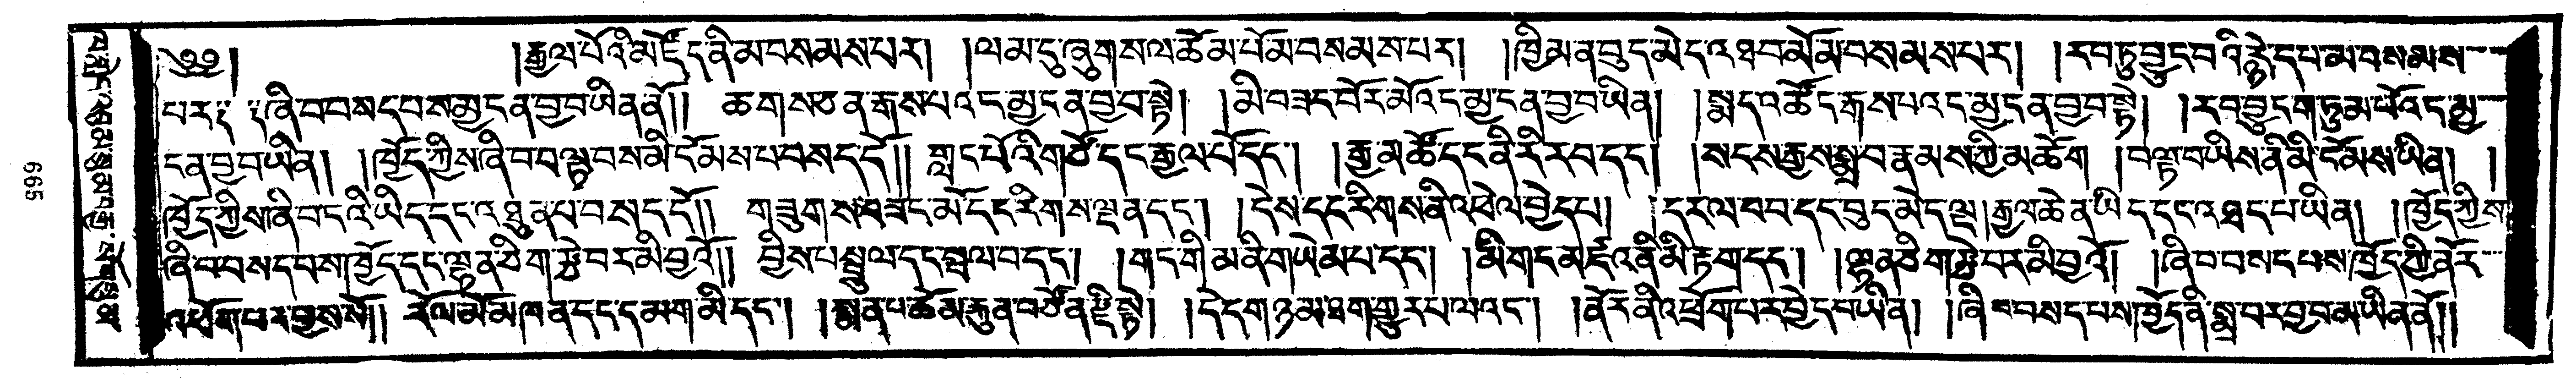༄༅། །རྒྱལ་པོའི་མཛོད་ནི་མ་བསམས་པར། །ལམ་དུ་ཞུགས་ལ་ཆོམ་པོ་མ་བསམས་པར། །ཁྱིམ་ན་བུད་མེད་འཐབ་མོ་མ་བསམས་པར། །རབ་ཏུ་བྱུང་བའི་རྙེད་པ་མ་བསམས་
པར༑ ༑ཞི་བ་བསད་པས་མྱ་ངན་བྱ་བ་ཡིན་ནོ།། ཆགས་ཅན་རྒས་པའང་མྱ་ངན་བྱ་བ་སྟེ། །མི་བཟང་པོར་མོའ་ཨང་མྱ་ངན་བྱ་བ་ཡིན། །སྨད་འཚོང་རྒས་པའང་མྱ་ངན་བྱ་བ་སྟེ། །རབ་བྱུང་གཏུམ་པོའང་མྱ་
ངན་བྱ་བ་ཡིན། །ཁྱོད་ཀྱིས་ཞི་བ་བལྟ་བས་མི་ངོམས་པ་བསད་དོ།། གླང་པོའི་གཙོ་དང་རྒྱལ་པོ་དང་། །རྒྱ་མཚོ་དང་ནི་རི་རབ་དང་། །སངས་རྒྱས་སྨྲ་བ་རྣམས་ཀྱི་མཆོག །བལྟ་བ་ཡིས་ནི་མི་ངོམས་ཡིན། །
ཁྱོད་ཀྱིས་ཞི་བ་ངའི་ཡིད་དང་འཐུན་པ་བསད་དོ།། གཟུགས་བཟང་མོ་དང་རིགས་ལྡན་དང་། །དེས་དང་རིགས་ནི་འཕེལ་བྱེད་པ། །དར་ལ་བབ་དང་བུད་མེད་ལྔ། རྒྱལ་ཆེན་ཡིད་དང་འཐད་པ་ཡིན། །ཁྱོད་ཀྱིས་
ཞི་བ་བསད་པས་ཁྱོད་དང་ལྷན་ཅིག་རྩེ་བར་མི་བྱའོ།། བྱིས་པ་སྤྲུལ་དང་སྦལ་བ་དང་། །གང་གི་མ་ནི་གཡེམ་པ་དང་། །མི་གང་མཛའ་ནི་མི་རྟག་དང་། །ལྷན་ཅིག་རྩེ་བར་མི་བྱའོ། །ཞི་བ་བསད་པས་ཁྱོད་ཀྱི་ནོར་
འཕོག་པར་བྱས་སོ།། རོལ་མོ་མཁན་དང་དམག་མི་དང་། །སྨན་པ་ཆོམ་རྐུན་བཙོན་རྫི་སྟེ། །དེ་དག་ཉམ་ཐག་གྱུར་པ་ལའང་། །ནོར་ནི་འཕྲོག་པར་བྱེད་པ་ཡིན། །ཞིབ་བསད་པས་ཁྱོད་ནི་སྨྲ་བར་བྱ་བ་མ་ཡིན་ནོ།།